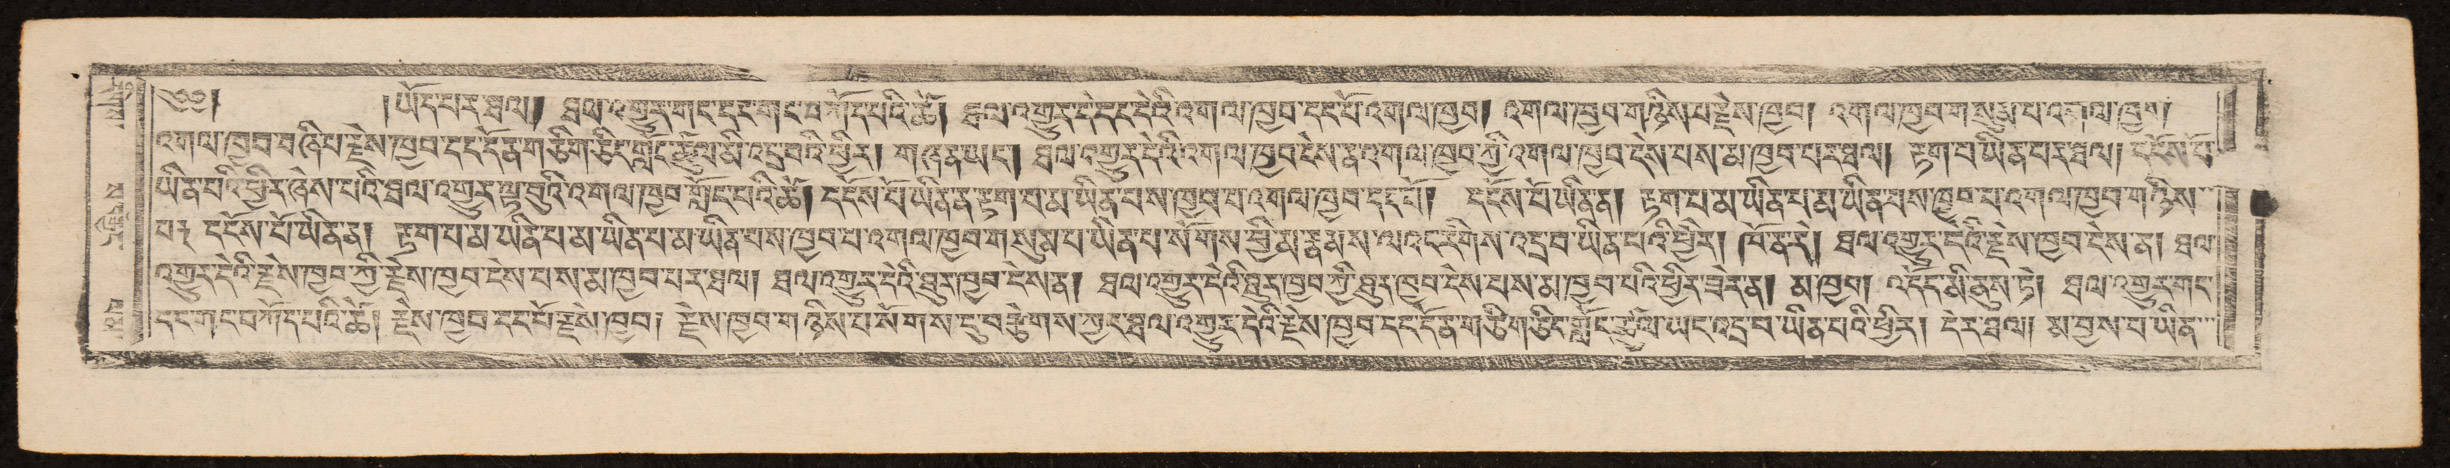༄༅། །ཡོད་པར་ཐལ། ཐལ་འགྱུར་གང་དང་གང་བཀོད་པའི་ཚེ། ཐལ་འགྱུར་དེ་དང་དེའི་འགལ་ཁྱབ་དང་པོ་འགལ་ཁྱབ། འགལ་ཁྱབ་གཉིས་པ་རྗེས་ཁྱབ། འགལ་ཁྱབ་གསུམ་པ་འགལ་ཁྱབ།
འགལ་ཁྱབ་བཞི་པ་རྗེས་ཁྱབ་དང་དོན་གཅིག་ཅིང་གློང་ཚུལ་མི་འདྲ་བའི་ཕྱིར། གཞན་ཡང་། ཐལ་འགྱུར་དེའི་འགལ་ཁྱབ་ངེས་ན་འགལ་ཁྱབ་ཀྱི་འགལ་ཁྱབ་ངེས་པས་མ་ཁྱབ་པར་ཐལ། རྟག་པ་ཡིན་པར་ཐལ། དངོས་པོ་
ཡིན་པའི་ཕྱིར་ཞེས་པའི་ཐལ་འགྱུར་ལྟ་བུའི་འགལ་ཁྱབ་གློང་བའི་ཚེ། དངོས་པོ་ཡིན་ན་རྟག་པ་མ་ཡིན་པས་ཁྱབ་པ་འགལ་ཁྱབ་དང་པོ། དངོས་པོ་ཡིན་ན། རྟག་པ་མ་ཡིན་པ་མ་ཡིན་པས་ཁྱབ་པ་འགལ་ཁྱབ་གཉིས་
པ། དངོས་པོ་ཡིན་ན། རྟག་པ་མ་ཡིན་པ་མ་ཡིན་པ་མ་ཡིན་པས་ཁྱབ་པ་འགལ་ཁྱབ་གསུམ་པ་ཡིན་པ་སོགས་ཕྱི་མ་རྣམས་ལའང་རིགས་འདྲ་བ་ཡིན་པའི་ཕྱིར། ཁོ་ན་རེ། ཐལ་འགྱུར་ངེའི་རྗེས་ཁྱབ་ངེས་ན། ཐལ་
འགྱུར་དེའི་རྗེས་ཁྱབ་ཀྱི་རྗེས་ཁྱབ་ངེས་པས་མ་ཁྱབ་པར་ཐལ། ཐལ་འགྱུར་དེའི་ཐུར་ཁྱབ་ངེས་ན། ཐལ་འགྱུར་དེའི་ཐུར་ཁྱབ་ཀྱི་ཐུར་ཁྱབ་ངེས་པས་མ་ཁྱབ་པའི་ཕྱིར་ཟེར་ན། མ་ཁྱབ། འདོད་མི་ནུས་ཏེ། ཐལ་འགྱུར་གང་
དང་གང་བཀོད་པའི་ཚེ། རྗེས་ཁྱབ་དང་པོ་རྗེས་ཁྱབ། རྗེས་ཁྱབ་གཉིས་པ་སོགས་དུ་བརྩེགས་ཀྱང་ཐལ་འགྱུར་དེའི་རྗེས་ཁྱབ་དང་དོན་གཅིག་ཅིང་སློང་ཚུལ་ཡང་འདྲ་བ་ཡིན་པའི་ཕྱིར། དེར་ཐལ། མ་བྱས་པ་ཡིན་